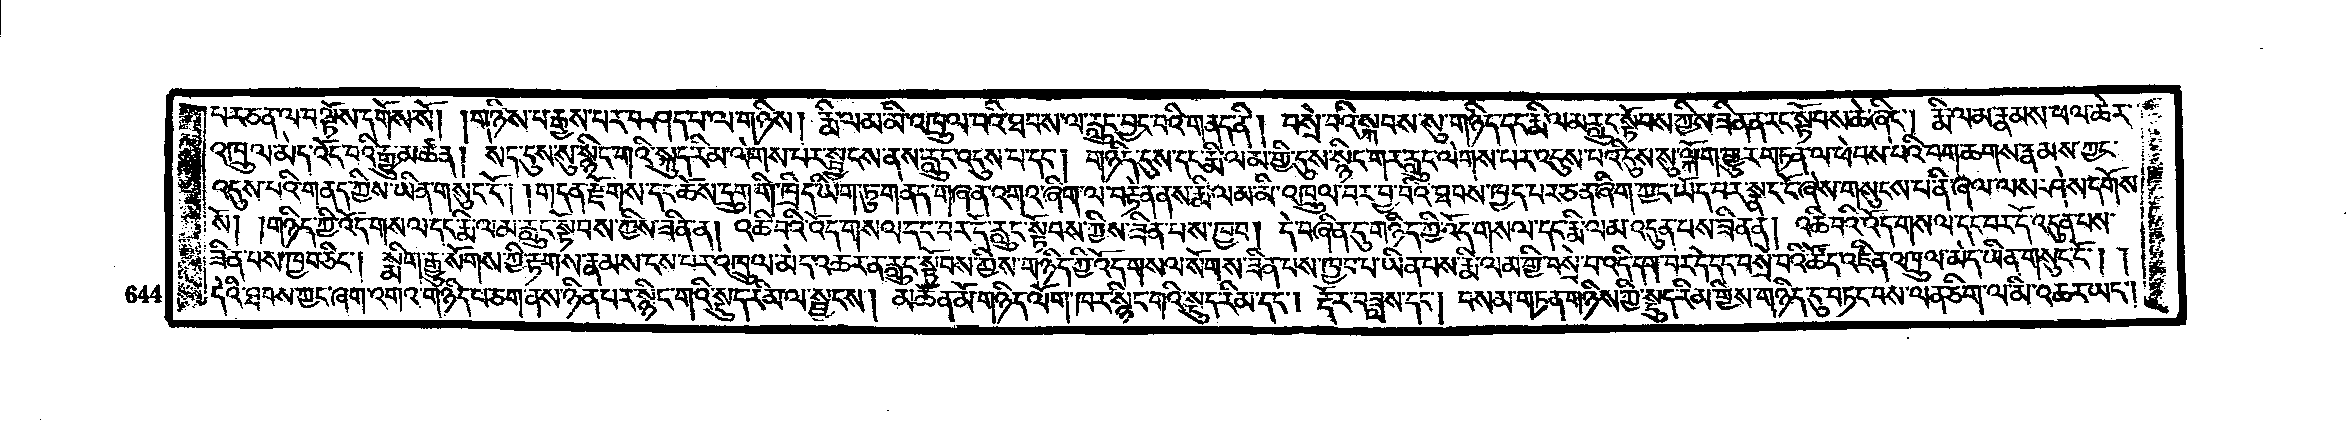པར་ཅན་ལ་བལྟོས་དགོས་སོ། །གཉིས་པ་རྒྱས་པར་བཤད་པ་ལ་གཉིས། རྨི་ལམ་མི་འཁྲུལ་བའི་ཐབས་ལ་རླུང་བྱང་བའི་གནད་ནི། བསྲེ་བའི་སྐབས་སུ་གཉིད་དང་རྨི་ལམ་རླུང་སྟོབས་ཀྱིས་ཟིན་ན་རང་སྟོབས་ཆེ་ཞིང་། རྨི་ལམ་རྣམས་ཕལ་ཆེར་
འཁྲུལ་མེད་འོང་བའི་རྒྱུ་མཚན། སད་དུས་སུ་སྙིང་གའི་སྡུད་རིམ་ལེགས་པར་སྦྱངས་ནས་རླུང་འདུས་པ་དང་། གཉིད་དུས་དང་རྨི་ལམ་གྱི་དུས་སྙིང་གར་རླུང་ལེགས་པར་འདུས་པའི་དུས་སུ་ལྐོག་གྱུར་གཏན་ལ་ཕེབས་པའི་བག་ཆགས་རྣམས་ཀྱང་
འདུས་པའི་གནད་ཀྱིས་ཡིན་གསུང་ངོ། །གདན་རྫོགས་དང་ཆོས་དྲུག་གི་ཁྲིད་ཡིག་ཏུ་གནད་གཞན་འགའ་ཞིག་ལ་བརྟེན་ནས་རྨི་ལམ་མི་འཁྲུལ་བར་བྱ་བའི་ཐབས་ཁྱད་པར་ཅན་ཞིག་ཀྱང་ཡོད་པར་སྣང་ངོ་ཞེས་གསུངས་པ་ནི་ཞལ་ལས་ཤེས་དགོས་
སོ། །གཉིད་ཀྱི་འོད་གསལ་དང་རྨི་ལམ་རླུང་སྟོབས་ཀྱིས་ཟིན་ན། འཆི་བའི་འོད་གསལ་དང་བར་དོ་རླུང་སྟོབས་ཀྱིས་ཟིན་པས་ཁྱབ། དེ་བཞིན་དུ་གཉིད་ཀྱི་འོད་གསལ་དང་རྨི་ལམ་འདུན་པས་ཟིན་ན། འཆི་བའི་འོད་གསལ་དང་བར་དོ་འདུན་པས་
ཟིན་པས་ཁྱབ་ཅིང་། སྨིག་རྒྱུ་སོགས་ཀྱི་རྟགས་རྣམས་ངས་པར་འཁྲུལ་མེད་འཆར་ན་རླུང་སྟོབས་ཀྱིས་གཉིད་ཀྱི་འོད་གསལ་སོགས་ཟིན་པས་ཁྱབ་པ་ཡིན་པས་རྨི་ལམ་གྱི་བསྲེ་བ་འདི་དག་བར་དོ་དང་བསྲེ་བའི་ཚོད་འཛིན་འཁྲུལ་མེད་ཡིན་གསུང་ངོ། །
དེའི་ཐབས་ཀྱང་ཞག་འགའ་གཉིད་བཅག་ནས་ཉིན་པར་སྙིང་གའི་སྡུད་རིམ་ལ་སྦྱངས། མཚན་མོ་གཉིད་ལོག་ཁར་སྙིང་གའི་སྡུད་རིམ་དང་། རྡོར་བཟླས་དང་། བསམ་གཏན་གཉིས་ཀྱི་སྡུད་རིམ་གྱིས་གཉིད་དུ་བཏང་བས་ལན་ཅིག་ལ་མི་འཆར་ཡང་